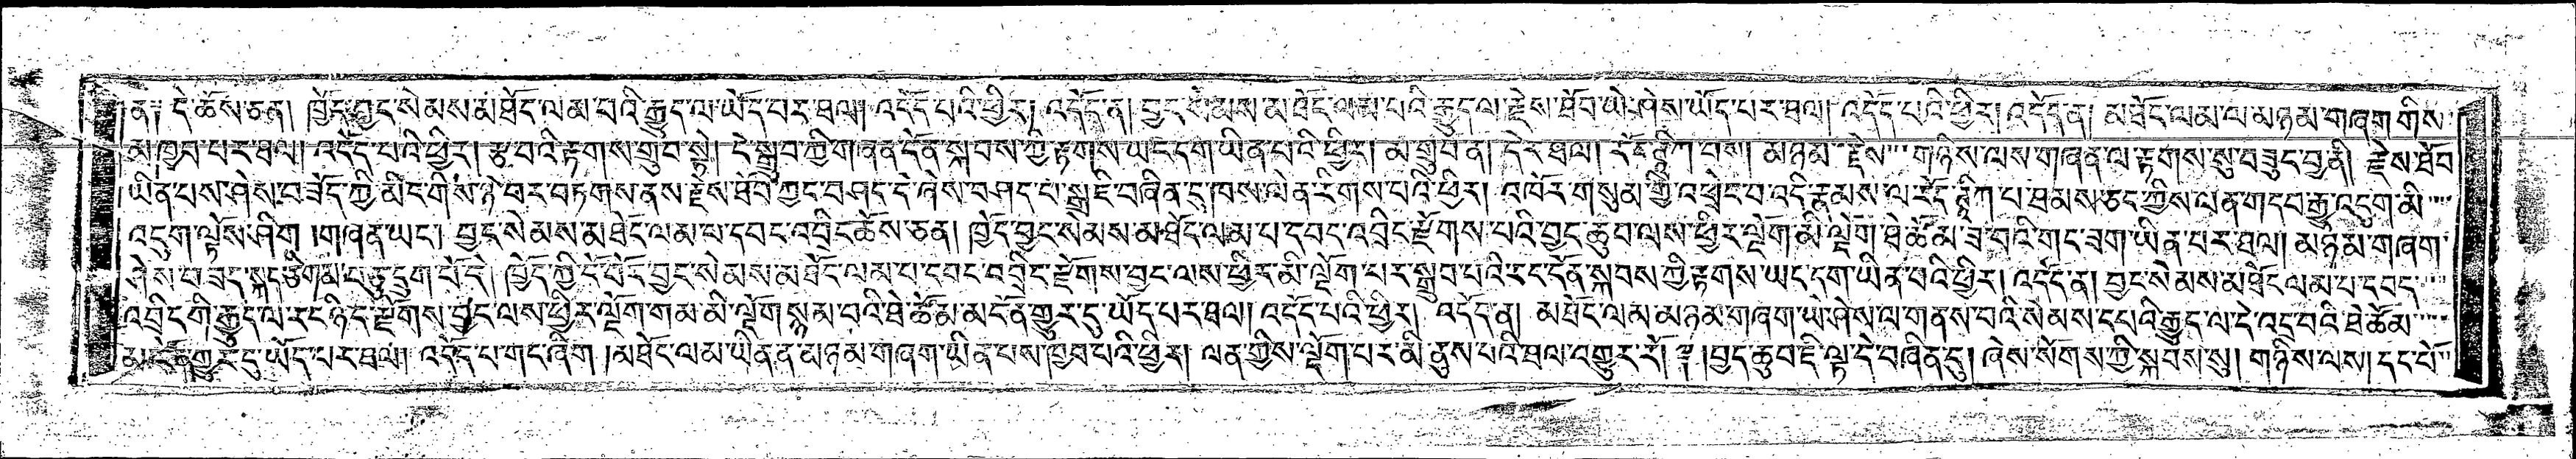ན༑ དེ་ཆོས་ཅན། ཁྱོད་བྱང་སེམས་མཐོང་ལམ་པའི་རྒྱུད་ལ་ཡོད་པར་ཐལ། འདོད་པའི་ཕྱིར། འདོད་ན། བྱང་སེམས་མཐོང་ལམ་པའི་རྒྱུད་ལ་རྗེས་ཐོབ་ཡེ་ཤེས་ཡོད་པར་ཐལ། འདོད་པའི་ཕྱིར། འདོད་ན། མཐོང་ལམ་ལ་མཉམ་གཞག་གིས་
མ་ཁྱབ་པར་ཐལ། འདོད་པའི་ཕྱིར། རྩ་བའི་རྟགས་གྲུབ་སྟེ། དེ་སྒྲུབ་ཀྱི་གཞན་དོན་སྐབས་ཀྱི་རྟགས་ཡང་དག་ཡིན་པའི་ཕྱིར། མ་གྲུབ་ན། དེར་ཐལ། རོང་ཊཱིཀ་པས། མཉམ་རྗེས་གཉིས་ལས་གཞན་ལ་རྟགས་སུ་ཟུང་བྱ་ནི། རྗེས་ཐོབ་
ཡིན་པས་ཤེས་བཟོད་ཀྱི་མིང་གིས་ཉེ་བར་བཏགས་ནས་རྗེས་ཐོབ་ཀྱང་བཤད་དེ་ཞེས་བཤད་པ་སྒྲ་ཇི་བཞིན་དུ་ཁས་ལེན་རིགས་པའི་ཕྱིར། འཁོར་གསུམ་གྱི་འཕྲེང་བ་འདི་རྣམས་ལ་རོད་ཊཱིཀ་པ་ཐམས་ཅད་ཀྱིས་ལན་གདབ་རྒྱུ་འདུག་མི་
འདུག་ལྟོས་ཤིག། གཞན་ཡང་། བྱང་སེམས་མཐོང་ལམ་པ་དབང་འབྲིང་ཆོས་ཅན། ཁྱོད་བྱང་སེམས་མཐོང་ལམ་པ་དབང་འབྲིང་རྫོགས་པའི་བྱང་ཆུབ་ལས་ཕྱིར་ལྡོག་མི་ལྡོག་ཐེ་ཚོམ་ཟ་བའི་གང་ཟག་ཡིན་པར་ཐལ། མཉམ་གཞག་
ཤེས་བཟོད་སྐད་ཅིག་མ་བཅུ་དྲུག་པོ་དེ། ཁྱོད་ཀྱི་ངོ་བོར་བྱང་སེམས་མཐོང་ལམ་པ་དབང་འབྲིང་རྫོགས་བྱང་ལས་ཕྱིར་མི་ལྡོག་པར་སྒྲུབ་པའི་རང་དོན་སྐབས་ཀྱི་རྟགས་ཡང་དག་ཡིན་པའི་ཕྱིར། འདོད་ན། བྱང་སེམས་མཐོང་ལམ་པ་དབང་
འབྲིང་གི་རྒྱུད་ལ་རང་ཉིད་རྫོགས་བྱང་ལས་ཕྱིར་ལྡོག་གམ་མི་ལྡོག་སྙམ་པའི་ཐེ་ཚོམ་མངོན་གྱུར་དུ་ཡོད་པར་ཐལ། འདོད་པའི་ཕྱིར། འདོད་ན། མཐོང་ལམ་མཉམ་གཞག་ཡེ་ཤེས་ལ་གནས་པའི་སེམས་དཔའི་རྒྱུད་ལ་དེ་འདྲ་བའི་ཐེ་ཚོམ་
མངོན་གྱུར་དུ་ཡོད་པར་ཐལ། འདོད་པ་གང་ཞིག། མཐོང་ལམ་ཡིན་ན་མཉམ་གཞག་ཡིན་པས་ཁྱབ་པའི་ཕྱིར། ལན་གྱིས་ལྡོག་པར་མི་ནུས་པའི་ཐལ་འགྱུར་རོ། ༈ །བྱང་ཆུབ་ཇི་ལྟ་དེ་བཞིན་དུ། ཞེས་སོགས་ཀྱི་སྐབས་སུ། གཉིས་ལས། དང་པོ་